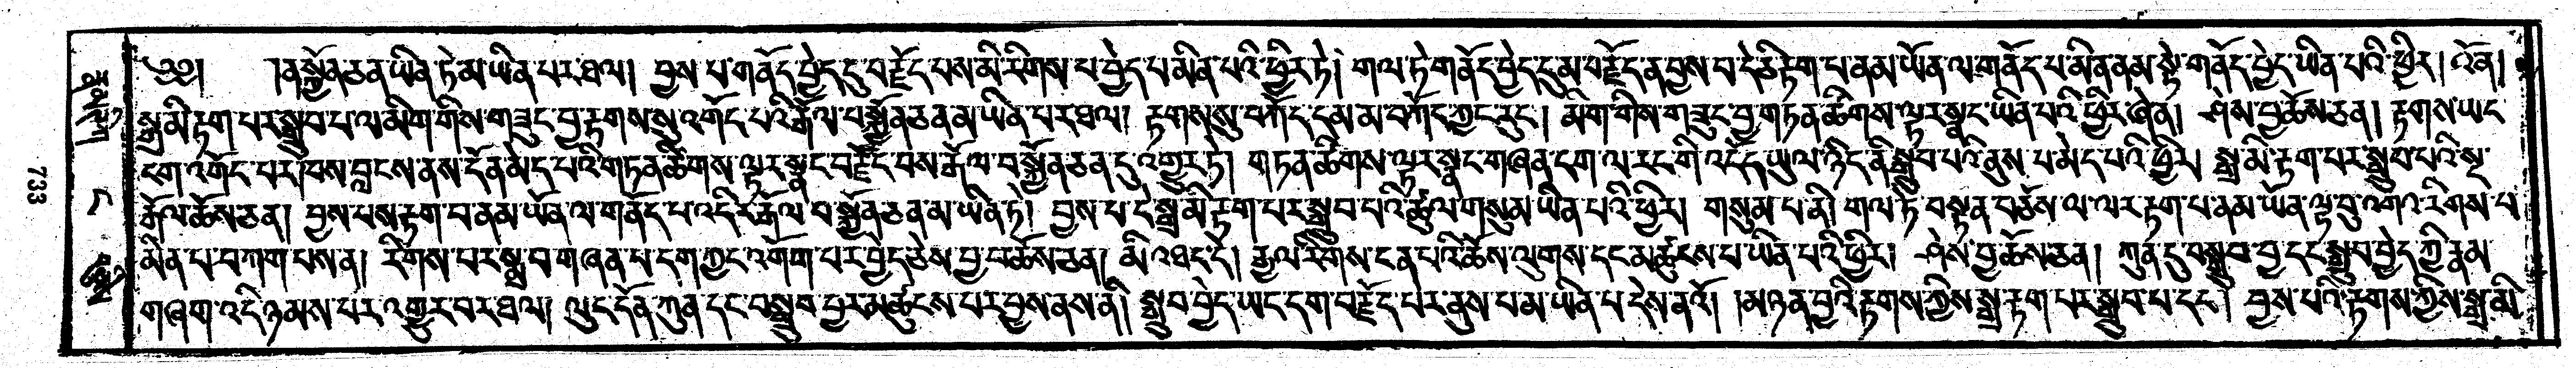༄༅། །ན་སྐྱོན་ཅན་ཡིན་ཏེ་མ་ཡིན་པར་ཐལ། བྱས་པ་གནོད་བྱེད་དུ་བརྗོད་པས་མི་རིགས་པ་བྱེད་པ་མིན་པའི་ཕྱིར་ཏེ། གལ་ཏེ་གནོད་བྱེད་དུ་མ་བརྗོད་ན་བྱས་པ་དེ་ཅི་རྟག་པ་ནམ་ཡོན་ལ་གནོད་པ་མིན་ནམ་སྟེ་གནོད་བྱེད་ཡིན་པའི་ཕྱིར། འོ་ན།
སྒྲ་མི་རྟག་པར་སྒྲུབ་པ་ལ་མིག་གིས་གཟུང་བྱ་རྟགས་སུ་འགོད་པའི་རྒོལ་བ་སྐྱོན་ཅན་མ་ཡིན་པར་ཐལ། རྟགས་སུ་བཀོད་དམ་མ་བཀོད་ཀྱང་རུང་། མིག་གིས་གཟུང་བྱ་གཏན་ཚིགས་ལྟར་སྣང་ཡིན་པའི་ཕྱིར་ཞེ་ན། ཤེས་བྱ་ཆོས་ཅན། རྟགས་ཡང་
ངག་འགོད་པར་ཁས་བླངས་ནས་དོན་མེད་པའི་གཏན་ཚིགས་ལྟར་སྣང་བརྗོད་པས་རྒོལ་བ་སྐྱོན་ཅན་དུ་འགྱུར་ཏེ། གཏན་ཚིགས་ལྟར་སྣང་གཞན་དག་ལ་རང་གི་འདོད་ཡུལ་ཉིད་ནི་སྒྲུབ་པའི་ནུས་པ་མེད་པའི་ཕྱིར། སྒྲ་མི་རྟག་པར་སྒྲུབ་པའི་སྔ་
རྒོལ་ཆོས་ཅན། བྱས་པས་རྟག་བ་ནམ་ཡོན་ལ་གནོད་པ་འདིར་རྒོལ་བ་སྐྱོན་ཅན་མ་ཡིན་ཏེ། བྱས་པ་དེ་སྒྲ་མི་རྟག་པར་སྒྲུབ་པའི་ཚུལ་གསུམ་ཡིན་པའི་ཕྱིར། གསུམ་པ་ནི། གལ་ཏེ་བསྟན་བཅོས་ལ་ལར་རྟག་པ་ནམ་ཡོན་ལྟ་བུ་འགའ་རིགས་པ་
མིན་པ་བཀག་པས་ན། རིགས་པར་སྨྲ་བ་གཞན་པ་དག་ཀྱང་འགོག་པར་བྱེད་ཅེས་བྱ་བ་ཆོས་ཅན། མི་འཐད་དེ། རྒྱལ་རིགས་ངན་པའི་ཆོས་ལུགས་དང་མཚུངས་པ་ཡིན་པའི་ཕྱིར། ཤེས་བྱ་ཆོས་ཅན། ཀུན་དུ་བསྒྲུབ་བྱ་དང་སྒྲུབ་བྱེད་ཀྱི་རྣམ་
གཞག་འདི་ཉམས་པར་འགྱུར་བར་ཐལ། ལུང་དོན་ཀུན་དང་བསྒྲུབ་བྱར་མཚུངས་པར་བྱས་ནས་ནི། སྒྲུབ་བྱེད་ཡང་དག་བརྗོད་པར་ནུས་པ་མ་ཡིན་པ་དེས་ནའོ། །མཉན་བྱའི་རྟགས་ཀྱིས་སྒྲ་རྟགས་པར་སྒྲུབ་པ་དང་། བྱས་པའི་རྟགས་ཀྱིས་སྒྲ་མི་